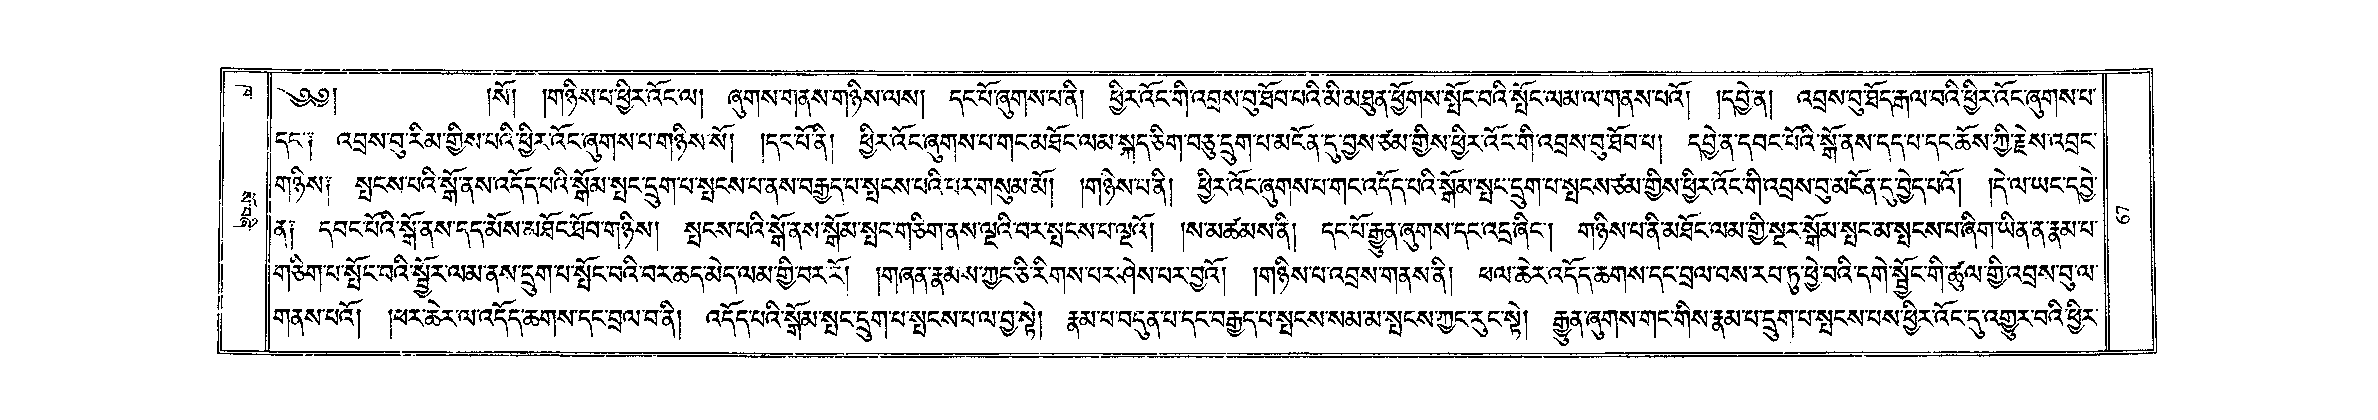༄༅། །སོ། །གཉིས་པ་ཕྱིར་འོང་ལ། ཞུགས་གནས་གཉིས་ལས། དང་པོ་ཞུགས་པ་ནི། ཕྱིར་འོང་གི་འབྲས་བུ་ཐོབ་པའི་མི་མཐུན་ཕྱོགས་སྤོང་བའི་སྤོང་ལམ་ལ་གནས་པའོ། །དབྱེ་ན། འབྲས་བུ་ཐོད་རྒལ་བའི་ཕྱིར་འོང་ཞུགས་པ་
དང༑ འབྲས་བུ་རིམ་གྱིས་པའི་ཕྱིར་འོང་ཞུགས་པ་གཉིས་སོ། །དང་པོ་ནི། ཕྱིར་འོང་ཞུགས་པ་གང་མཐོང་ལམ་སྐད་ཅིག་བཅུ་དྲུག་པ་མངོན་དུ་བྱས་ཙམ་གྱིས་ཕྱིར་འོང་གི་འབྲས་བུ་ཐོབ་པ། དབྱེ་ན་དབང་པོའི་སྒོ་ནས་དད་པ་དང་ཆོས་ཀྱི་རྗེས་འབྲང་
གཉིས༑ སྤངས་པའི་སྒོ་ནས་འདོད་པའི་སྒོམ་སྤང་དྲུག་པ་སྤངས་པ་ནས་བརྒྱད་པ་སྤངས་པའི་པར་གསུམ་མོ། །གཉིས་པ་ནི། ཕྱིར་འོང་ཞུགས་པ་གང་འདོད་པའི་སྒོམ་སྤང་དྲུག་པ་སྤངས་ཙམ་གྱིས་ཕྱིར་འོང་གི་འབྲས་བུ་མངོན་དུ་བྱེད་པའོ། །དེ་ལ་ཡང་དབྱེ་
ན༑ དབང་པོའི་སྒོ་ནས་དད་མོས་མཐོང་ཐོབ་གཉིས། སྤངས་པའི་སྒོ་ནས་སྒོམ་སྤང་གཅིག་ནས་ལྔའི་བར་སྤངས་པ་ལྔའོ། །ས་མཚམས་ནི། དང་པོ་རྒྱུན་ཞུགས་དང་འདྲ་ཞིང་། གཉིས་པ་ནི་མཐོང་ལམ་གྱི་སྔར་སྒོམ་སྤང་མ་སྤངས་པ་ཞིག་ཡིན་ན་རྣམ་པ་
གཅིག་པ་སྤོང་བའི་སྦྱོར་ལམ་ནས་དྲུག་པ་སྤོང་བའི་བར་ཆད་མེད་ལམ་གྱི་བར་རོ། །གཞན་རྣམས་ཀྱང་ཅི་རིགས་པར་ཤེས་པར་བྱའོ། །གཉིས་པ་འབྲས་གནས་ནི། ཕལ་ཆེར་འདོད་ཆགས་དང་བྲལ་བས་རབ་ཏུ་ཕྱེ་བའི་དགེ་སྦྱོང་གི་ཚུལ་གྱི་འབྲས་བུ་ལ་
གནས་པའོ། །ཕར་ཆེར་ལ་འདོད་ཆགས་དང་བྲལ་བ་ནི། འདོད་པའི་སྒོམ་སྤང་དྲུག་པ་སྤངས་པ་ལ་བྱ་སྟེ། རྣམ་པ་བདུན་པ་དང་བརྒྱད་པ་སྤངས་སམ་མ་སྤངས་ཀྱང་རུང་སྟེ། རྒྱུན་ཞུགས་གང་གིས་རྣམ་པ་དྲུག་པ་སྤངས་པས་ཕྱིར་འོང་དུ་འགྱུར་བའི་ཕྱིར་